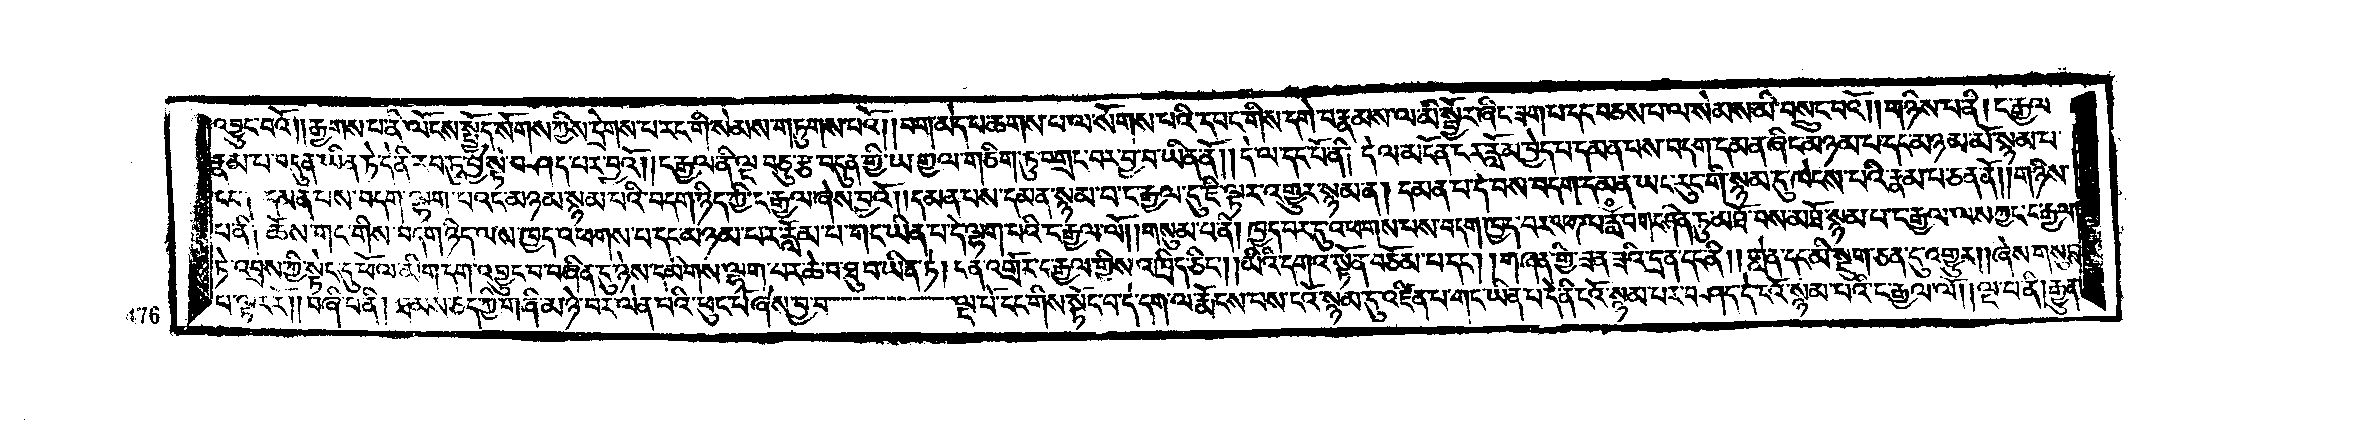འབྱུང་བའོ། །རྒྱགས་པ་ནི་ལོངས་སྤྱོད་སོགས་ཀྱིས་དྲེགས་པ་རང་གི་སེམས་གཏུགས་པའོ། །བག་མེད་པ་ཆགས་པ་ལ་སོགས་པའི་དབང་གིས་དགེ་བ་རྣམས་ལ་མི་སྦྱོར་ཞིང་ཟག་པ་དང་བཅས་པ་ལ་སེམས་མི་བསྲུང་བའོ། །གཉིས་པ་ནི། ང་རྒྱལ་
རྣམ་པ་བདུན་ཡིན་ཏེ་དེ་ནི་རབ་ཏུ་བྱེ་སྟེ་བཤད་པར་བྱའོ། །ང་རྒྱལ་ནི་ལྔ་བཅུ་རྩ་བདུན་གྱི་ཡ་གྱལ་གཅིག་ཏུ་བགྲང་བར་བྱ་བ་ཡིན་ནོ། །དེ་ལ་དང་པོ་ནི། དེ་ལ་མངོན་ངར་རློམ་བྱེད་པ་དམན་པས་བདག་དམན་ཞིང་མཉམ་པ་དང་མཉམ་མོ་སྙམ་པ་
དང་། དམན་པས་བདག་ལྷག་པའང་མཉམ་སྙམ་པའི་བདག་ཉིད་ཀྱི་ང་རྒྱལ་ཞེས་བྱའོ། །དམན་པས་དམན་སྙམ་པ་ང་རྒྱལ་དུ་ཇི་ལྟར་འགྱུར་སྙམ་ན། དམན་པ་དེ་བས་བདག་དམན་ཡང་རུང་གི་སྙམ་དུ་ཁེངས་པའི་རྣམ་པ་ཅན་ནོ། །གཉིས་
པ་ནི། ཆོས་གང་གིས་བདག་ཉིད་ལས་ཁྱད་འཕགས་པ་དང་མཉམ་པར་རློམ་པ་གང་ཡིན་པ་དེ་ལྷག་པའི་ང་རྒྱལ་ལོ། །གསུམ་པ་ནི། ཁྱད་པར་དུ་འཕགས་པས་བདག་ཁྱད་པར་འཕགས་པ་རློམ་བ་གང་ཤིན་ཏུ་མཐོ་བས་མཐོ་སྙམ་པ་ང་རྒྱལ་ལས་ཀྱང་ང་རྒྱལ་
ཏེ་འབྲས་ཀྱི་སྟེང་དུ་ཕོལ་མིག་དག་འབྱུང་བ་བཞིན་དུ་ཉེས་དམིགས་ལྷག་པར་ཆེ་བ་ཐུབ་ཡིན་ཏེ། ངན་འགྲོར་ང་རྒྱལ་གྱིས་འཁྲིད་ཅིང་། །མིའི་དགའ་སྟོན་བཅོམ་པ་དང་། གཞན་གྱི་ཟན་ཟའི་དྲན་དང་ནི། །གླེན་དང་མི་སྡུག་ཅན་དུ་འགྱུར། །ཞེས་གསུངས་
པ་ལྟར་རོ། །བཞི་པ་ནི། ཐམས་ཅད་ཀྱི་གཞི་མ་ཉེ་བར་ལེན་པའི་ཕུང་པོ་ཞེས་བྱ་བ་ལྔ་པོ་ངང་གིས་སྟོང་པ་དེ་དག་ལ་རྨོངས་པས་ངའོ་སྙམ་དུ་འཛིན་པ་གང་ཡིན་པ་དེ་ནི་ངའོ་སྙམ་པར་བཤད་དེ་ངའོ་སྙམ་པའི་ང་རྒྱལ་ལོ། །ལྔ་པ་ནི། རྒྱུན་